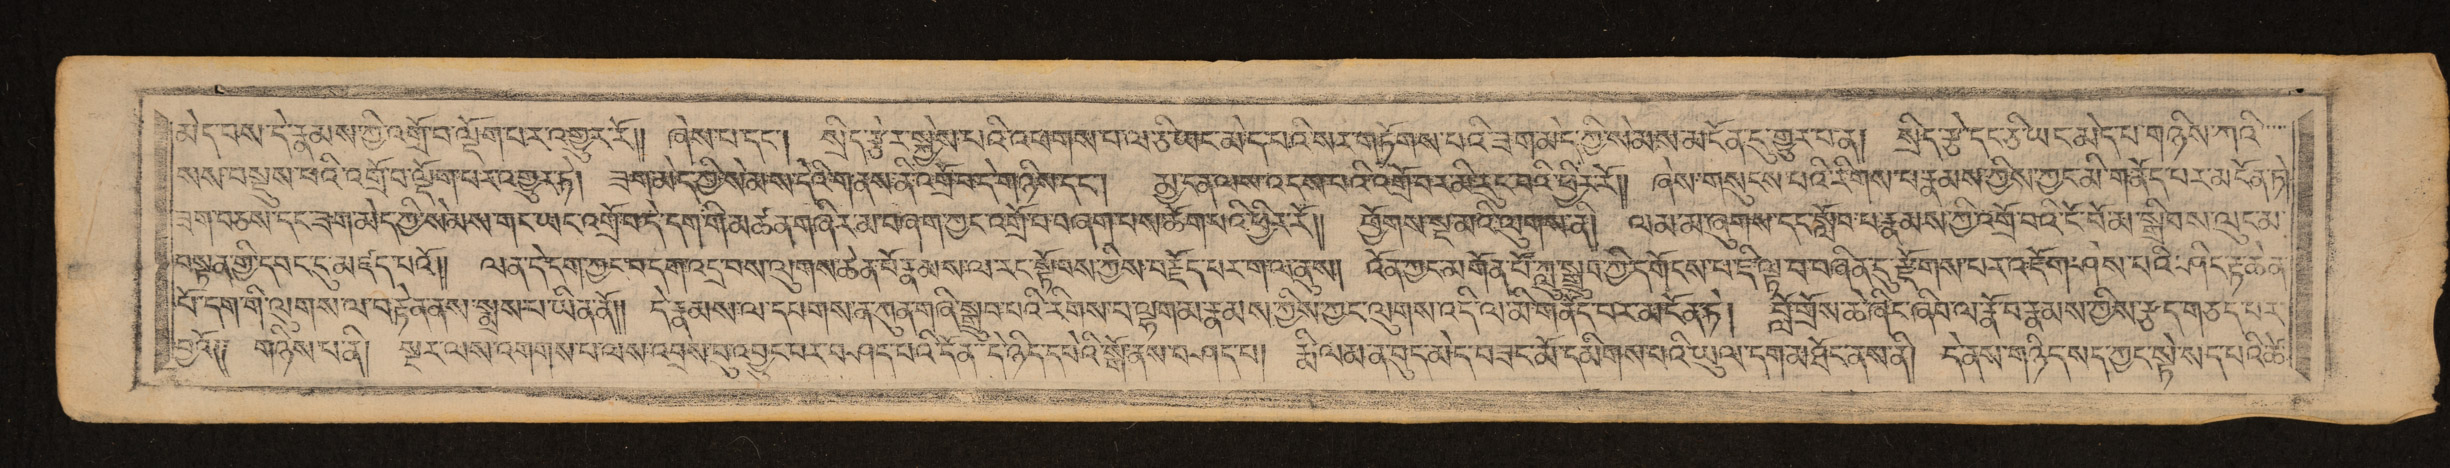མེད་པས་དེ་རྣམས་ཀྱི་འགྲོ་བ་ལྡོག་པར་འགྱུར་རོ།། ཞེས་པ་དང་། སྲིད་རྩེར་སྐྱེས་པའི་འཕགས་པ་ལ་ཅི་ཡང་མེད་པའི་སར་གཏོགས་པའི་ཟག་མེད་ཀྱི་སེམས་མངོན་དུ་གྱུར་པ་ན། སྲིད་རྩེ་དང་ཅི་ཡང་མེད་པ་གཉིས་ཀའི་
སས་བསྡུས་པའི་འགྲོ་བ་ལྡོག་པར་འགྱུར་ཏེ། ཟག་མེད་ཀྱི་སེམས་དེའི་གནས་ནི་འགྲོ་བ་དེ་གཉིས་དང་། མྱ་ངན་ལས་འདས་པའི་འགྲོ་བར་མི་རུང་བའི་ཕྱིར་རོ།། ཞེས་གསུངས་པའི་རིགས་པ་རྣམས་ཀྱིས་ཀྱང་མི་གནོད་པར་མངོན་ཏེ།
ཟག་བཅས་དང་ཟག་མེད་ཀྱི་སེམས་གང་ཡང་འགྲོ་བ་དེ་དག་གི་མཚན་གཞིར་མ་བཞག་ཀྱང་འགྲོ་བ་བཞག་པས་ཆོག་པའི་ཕྱིར་རོ།། ཕྱོགས་སྔ་མའི་ལུགས་ནི། ལམ་མ་ཞུགས་དང་སློབ་པ་རྣམས་ཀྱི་འགྲོ་བའི་ངོ་བོ་མ་སྒྲིབས་ལུང་མ་
བསྟན་གྱི་དབང་དུ་མཛད་པའོ།། ལན་དེ་དག་ཀྱང་བདག་འདྲ་བས་ལུགས་ཆེན་པོ་རྣམས་ལ་རང་སྟོབས་ཀྱིས་བརྗོད་པར་ག་ལ་ནུས། འོན་ཀྱང་མགོན་པོ་ཀླུ་སྒྲུབ་ཀྱི་དགོངས་པ་ཇི་ལྟ་བ་བཞིན་དུ་རྫོགས་པར་འཇོག་ཤེས་པའི་ཤིང་རྟ་ཆེན་
པོ་དག་གི་ལུགས་ལ་བརྟེན་ནས་སྨྲས་པ་ཡིན་ནོ།། དེ་རྣམས་ལ་དཔགས་ན་ཀུན་གཞི་སྒྲུབ་པའི་རིགས་པ་ལྷག་མ་རྣམས་ཀྱིས་ཀྱང་ལུགས་འདི་ལ་མི་གནོད་པར་མངོན་ཏེ། བློ་གྲོས་ཆེ་ཞིང་ཞིབ་ལ་རྣོ་བ་རྣམས་ཀྱིས་རྩད་གཅད་པར་
བྱའོ༑༑ གཉིས་པ་ནི། སྔར་ལས་འགགས་པ་ལས་འབྲས་བུ་འབྱུང་བར་བཤད་པའི་དོན་དེ་ཉིད་དཔེའི་སྒོ་ནས་བཤད་པ། རྨི་ལམ་ན་བུད་མེད་བཟང་མོ་དམིགས་པའི་ཡུལ་དག་མཐོང་ནས་ནི། དེ་ནས་གཉིད་སད་ཀྱང་སད་པའི་ཚེ་